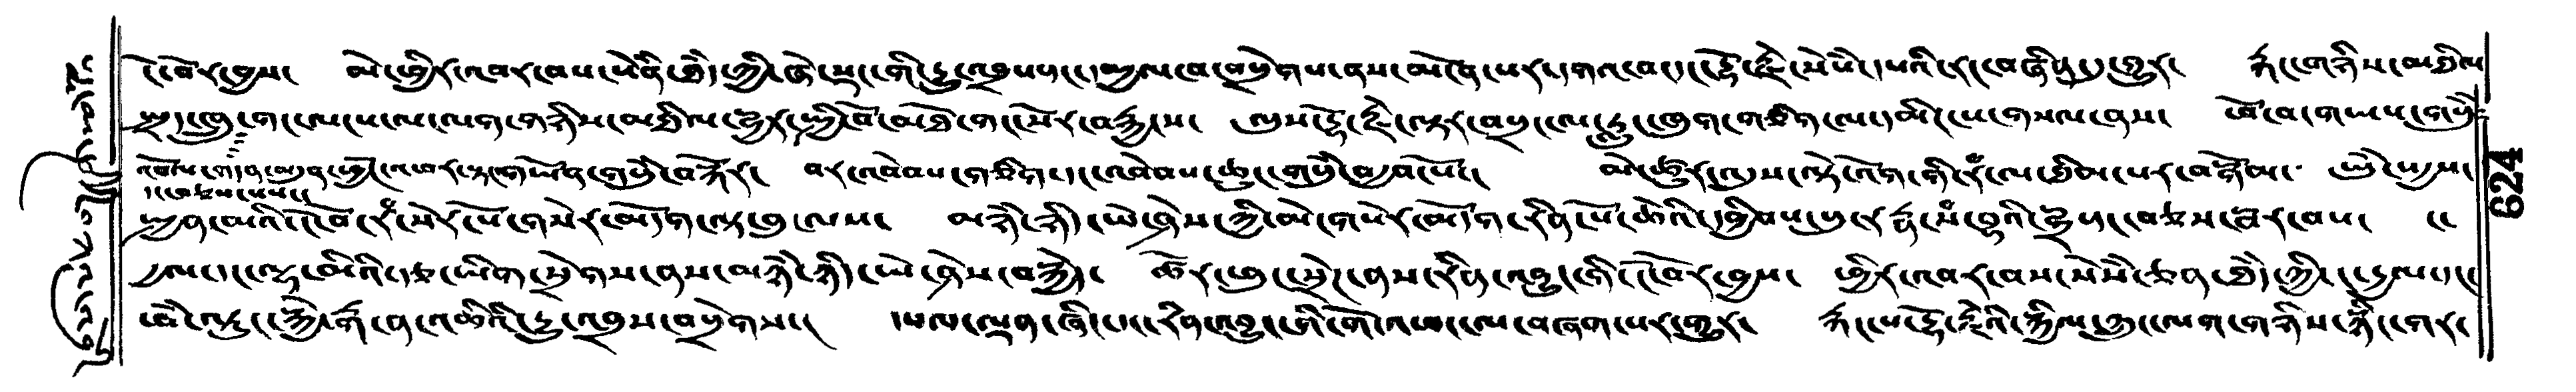ངོ་བོར་བྱས། མེ་ཕྱིར་འབར་བས་སེམས་ཅན་ཐམས་ཅད་ཀྱི་ཞེ་སྡང་གི་རྒྱུ་འབྲས་དང་དམྱལ་བ་བསྲེགས་ནས་མངོན་པར་དགའ་བ་དང་རྡོ་རྗེ་སེམས་དཔའི་རང་བཞིན་དུ་གྱུར། རྐང་གཉིས་མཐིལ་
སྤྲད་ཁྲུ་གང་ལངས་ལ་ལག་གཉིས་མཐིལ་སྦྱར་སྤྱི་བོ་མཐོ་གང་སོར་བརྐྱངས། ལུས་རྡོ་རྗེ་ལྟར་བསྲངས་ལ་རླུང་ཁུག་གཅིག་ལ་དམིགས་པ་གསལ་ནས། ཕོ་བ་གཡས་གསུམ་
གཡོན་གསུམ་བསྐོར། བར་འབེབས་གཅིག་དང་འབེབས་ཆུང་གསུམ་བརྒྱབ་པོ། མེ་ཚུར་འདུས་ལྟེ་འོག་གི་རྃ་ལ་ཐིམ་པར་བསྒོམ། ཡུམ་སངས་རྒྱས་
སྤྱན་མའི་ངོ་བོ་རྃ་སེར་པོ་གསེར་མདོག་ལྟ་བུ་ལས། མཉམ་ཉིད་ཡེ་ཤེས་ཀྱི་མི་གསེར་མདོག་རིན་པོ་ཆེའི་དབྱིབས་སུ་རཏྣ་སཾ་བྷའི་སྒྲ་དང་བཅས་སྦར་བས། ང་
རྒྱལ་དང་ལྷ་མིའི་རྩ་ཡིག་སྲེགས་ནས་མཉམ་ཉིད་ཡེ་ཤེས་བསྐྱེད། ཚོར་ཕུང་བསྲེགས་ནས་རིན་འབྱུང་གི་ངོ་བོར་བྱས། ཕྱིར་འབར་བས་སེམས་ཅན་ཐམས་ཅད་ཀྱི་ང་རྒྱལ་དང་། 
ཕམ་ལྟུང་སྐྱེ་རྒ་ན་འཆིའི་རྒྱུ་འབྲས་བསྲེགས། དཔལ་ལྡན་ཞིང་དང་རིན་འབྱུང་གི་གོ་འཕང་ལ་བཞག་པར་གྱུར། རྐང་པ་རྡོ་རྗེའི་སྐྱིལ་ཀྲུང་ལག་གཉིས་སྙིང་གར་